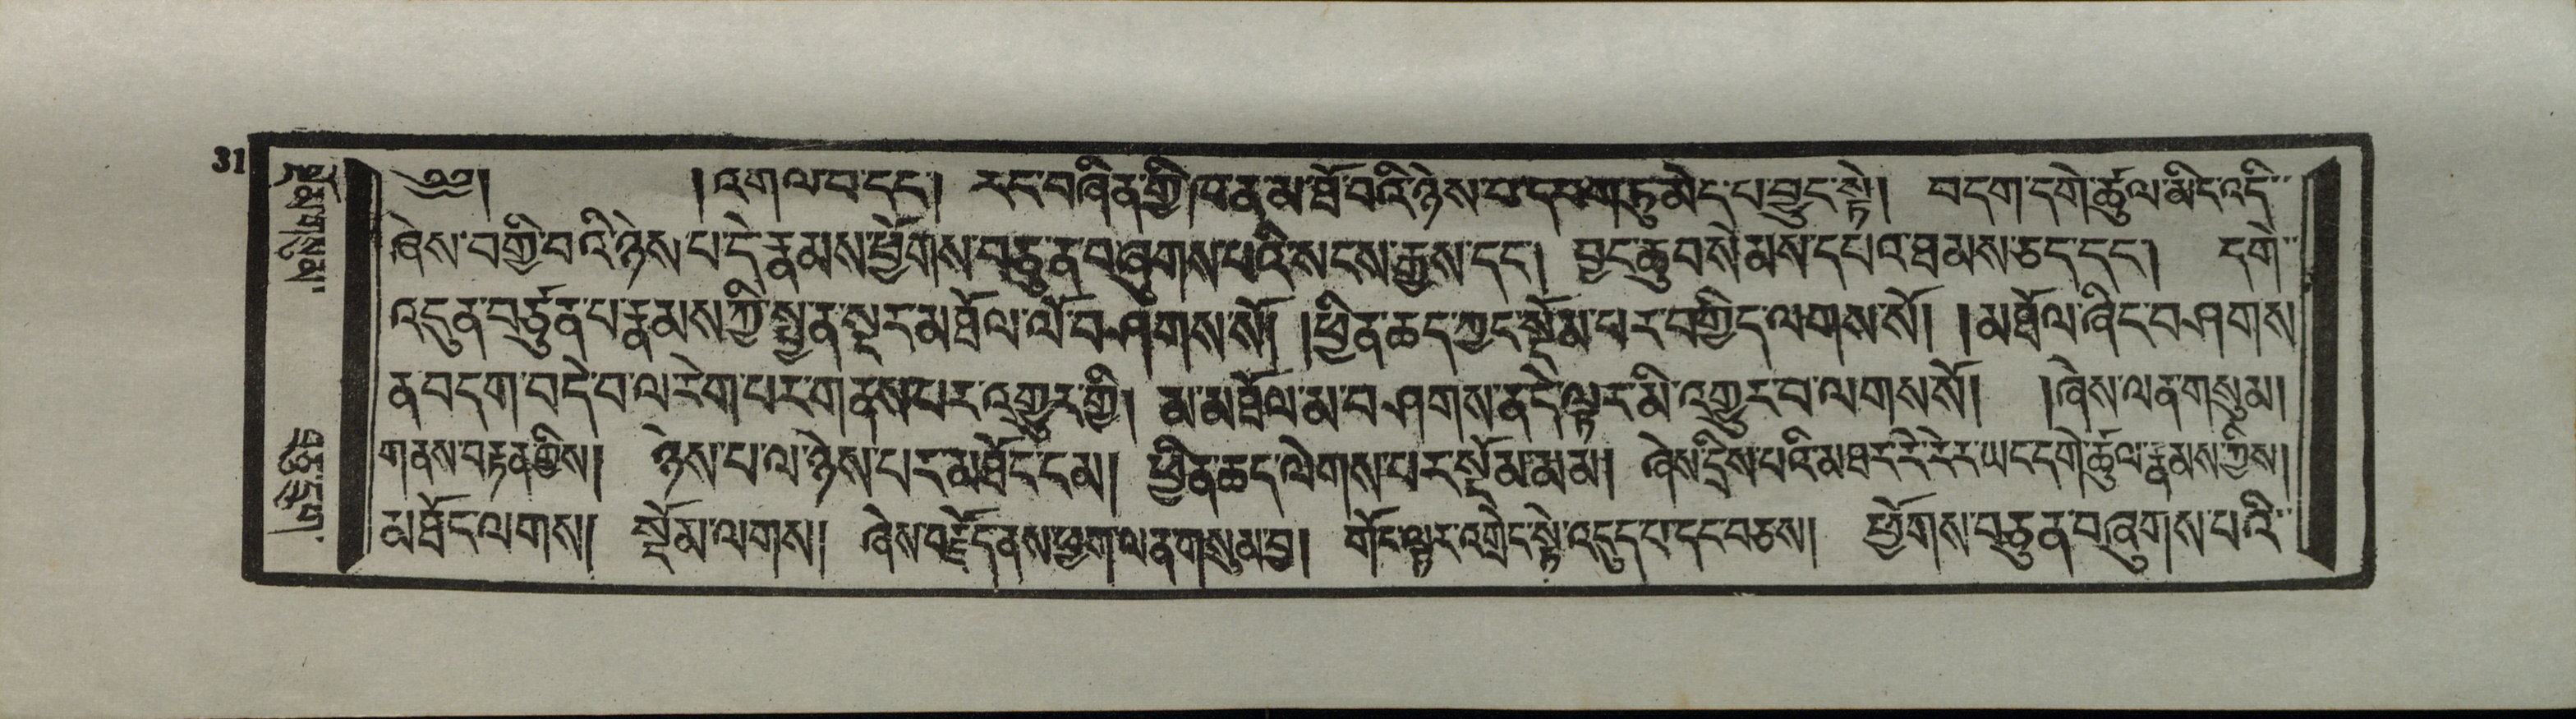༄༅། །འགལ་བ་དང་། རང་བཞིན་གྱི་ཁ་ན་མ་ཐོ་བའི་ཉེས་པ་དཔག་ཏུ་མེད་པ་བྱུང་སྟེ། བདག་དགེ་ཚུལ་མིང་འདི་
ཞེས་བགྱི་བའི་ཉེས་པ་དེ་རྣམས་ཕྱོགས་བཅུ་ན་བཞུགས་པའི་སངས་རྒྱས་དང་། བྱང་ཆུབ་སེམས་དཔའ་ཐམས་ཅད་དང་། དགེ་
འདུན་བཙུན་པ་རྣམས་ཀྱི་སྤྱན་སྔར་མཐོལ་ལོ་བཤགས་སོ། །ཕྱིན་ཆད་ཀྱང་སྡོམ་པར་བགྱིད་ལགས་སོ། །མཐོལ་ཞིང་བཤགས་
ན་བདག་བདེ་བ་ལ་རེག་པར་གནས་པར་འགྱུར་གྱི། མ་མཐོལ་མ་བཤགས་ན་དེ་ལྟར་མི་འགྱུར་བ་ལགས་སོ། །ཞེས་ལན་གསུམ།
གནས་བརྟན་གྱིས། ཉེས་པ་ལ་ཉེས་པར་མཐོང་ངམ། ཕྱིན་ཆད་ལེགས་པར་སྡོམ་མམ། ཞེས་དྲིས་པའི་མཐར་རེ་རེར་ཡང་དགེ་ཚུལ་རྣམས་ཀྱིས།
མཐོང་ལགས། སྡོམ་ལགས། ཞེས་བརྗོད་ནས་ཕྱག་ལན་གསུམ་བྱ། གོང་ལྟར་འགྲེང་སྟེ་འདུད་པ་དང་བཅས།  ཕྱོགས་བཅུ་ན་བཞུགས་པའི་